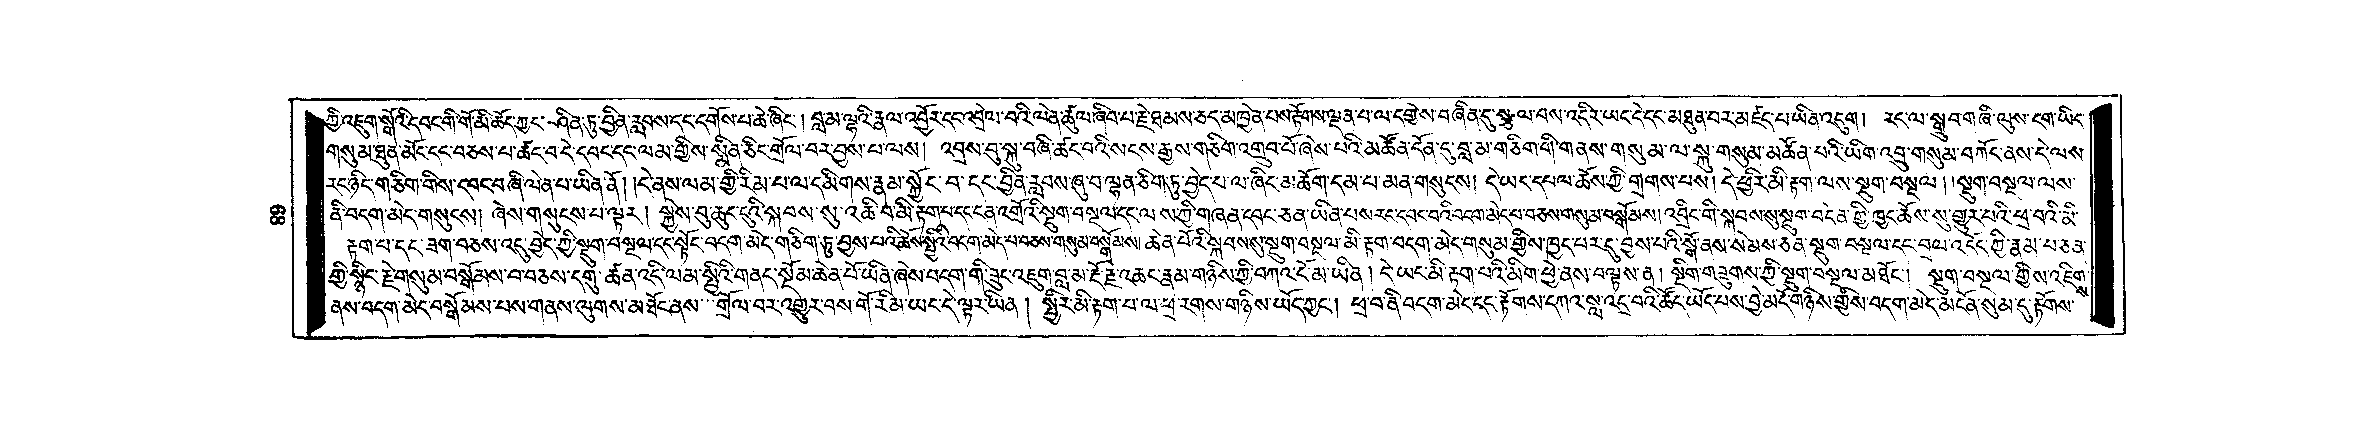ཀྱི་འཇུག་སྒོའི་དབང་གི་གོ་མི་ཆོད་ཀྱང་ཤིན་ཏུ་བྱིན་རླབས་དང་དགོས་པ་ཆེ་ཞིང་། བླ་མ་ལྷའི་རྣལ་འབྱོར་དང་འབྲེལ་བའི་ལེན་ཚུལ་ཞིབ་པ་རྗེ་ཐམས་ཅད་མཁྱེན་པས་རྟོགས་ལྡན་པ་ལ་དགྱེས་བཞིན་དུ་སྩལ་བས་འདིར་ཡང་དེ་དང་མཐུན་པར་མཛད་པ་ཡིན་འདུག །རང་ལ་སྒྲུབ་གཞི་ལུས་ངག་ཡིད་
གསུམ་ཐུན་མོང་དང་བཅས་པ་ཚང་བ་དེ་དབང་དང་ལམ་གྱིས་སྨིན་ཅིང་གྲོལ་བར་བྱས་པ་ལས། འབྲས་བུ་སྐུ་བཞི་ཚང་བའི་སངས་རྒྱས་གཅིག་འགྲུབ་པོ་ཞེས་པའི་མཚོན་དོན་དུ་བླ་མ་གཅིག་གི་གནས་གསུམ་ལ་སྐུ་གསུམ་མཚོན་པའི་ཡིག་འབྲུ་གསུམ་བཀོད་ནས་དེ་ལས་
རང་ཉིད་གཅིག་གིས་དབང་བཞི་ལེན་པ་ཡིན་ནོ། །དེ་ནས་ལམ་གྱི་རིམ་པ་ལ་དམིགས་རྣམ་སྐྱོང་བ་དང་བྱིན་རླབས་ཞུ་བ་ལྷན་ཅིག་ཏུ་བྱེད་པ་ལ་ཞིང་མཆོག་དམ་པ་མན་གསུངས། དེ་ཡང་དཔལ་ཆོས་ཀྱི་གྲགས་པས། དེ་ཕྱིར་མི་རྟག་ལས་སྡུག་བསྔལ། །སྡུག་བསྔལ་ལས་
ནི་བདག་མེད་གསུངས། ཞེས་གསུངས་པ་ལྟར། སྐྱེས་བུ་ཆུང་ངུའི་སྐབས་སུ་འཆི་བ་མི་རྟག་པ་དང་ངན་འགྲོའི་སྡུག་བསྔལ་དང་ལས་ཀྱི་གཞན་དབང་ཅན་ཡིན་པས་རང་དབང་བའི་བདག་མེད་པ་བཅས་གསུམ་བསྒོམས། འབྲིང་གི་སྐབས་སུ་སྡུག་བདེན་གྱི་ཁྱད་ཆོས་སུ་གྱུར་པའི་ཕྲ་བའི་མི་
རྟག་པ་དང་ཟག་བཅས་འདུ་བྱེད་ཀྱི་སྡུག་བསྔལ་དང་སྟོང་བདག་མེད་གཅིག་ཏུ་བྱས་པའི་ཆོས་སྤྱིའི་བདག་མེད་པ་བཅས་གསུམ་བསྒོམས། ཆེན་པོའི་སྐབས་སུ་སྡུག་བསྔལ་མི་རྟག་བདག་མེད་གསུམ་གྱིས་ཁྱད་པར་དུ་བྱས་པའི་སྒོ་ནས་སེམས་ཅན་སྡུག་བསྔལ་དང་བྲལ་འདོད་ཀྱི་རྣམ་པ་ཅན་
གྱི་སྙིང་རྗེ་གསུམ་བསྒོམས་བ་བཅས་དགུ་ཚན་འདི་ལམ་སྤྱིའི་གནད་སྡོམ་ཆེན་པོ་ཡིན་ཞེས་བདག་གི་ཟུང་འཇུག་བླ་མ་རྡོ་རྗེ་འཆང་རྣམ་གཉིས་ཀྱི་བཀའ་ངོ་མ་ཡིན། དེ་ཡང་མི་རྟག་པའི་མིག་ཕྱེ་ནས་བལྟས་ན། སྡིག་གཟུགས་ཀྱི་སྡུག་བསྔལ་མཐོང་། སྡུག་བསྔལ་གྱིས་འཇིགས་
ནས་བདག་མེད་བསྒོམས་པས་གནས་ལུགས་མཐོང་ནས་གྲོལ་བར་འགྱུར་བས་གོ་རིམ་ཡང་དེ་ལྟར་ཡིན། སྤྱིར་མི་རྟག་པ་ལ་ཕྲ་རགས་གཉིས་ཡོད་ཀྱང་། ཕྲ་བ་ནི་བདག་མེད་དང་རྟོགས་དཀའ་སླ་འདྲ་བའི་ཚོད་ཡོད་པས་བྱེ་མདོ་གཉིས་གྱིས་བདག་མེད་མངོན་སུམ་དུ་རྟོགས་